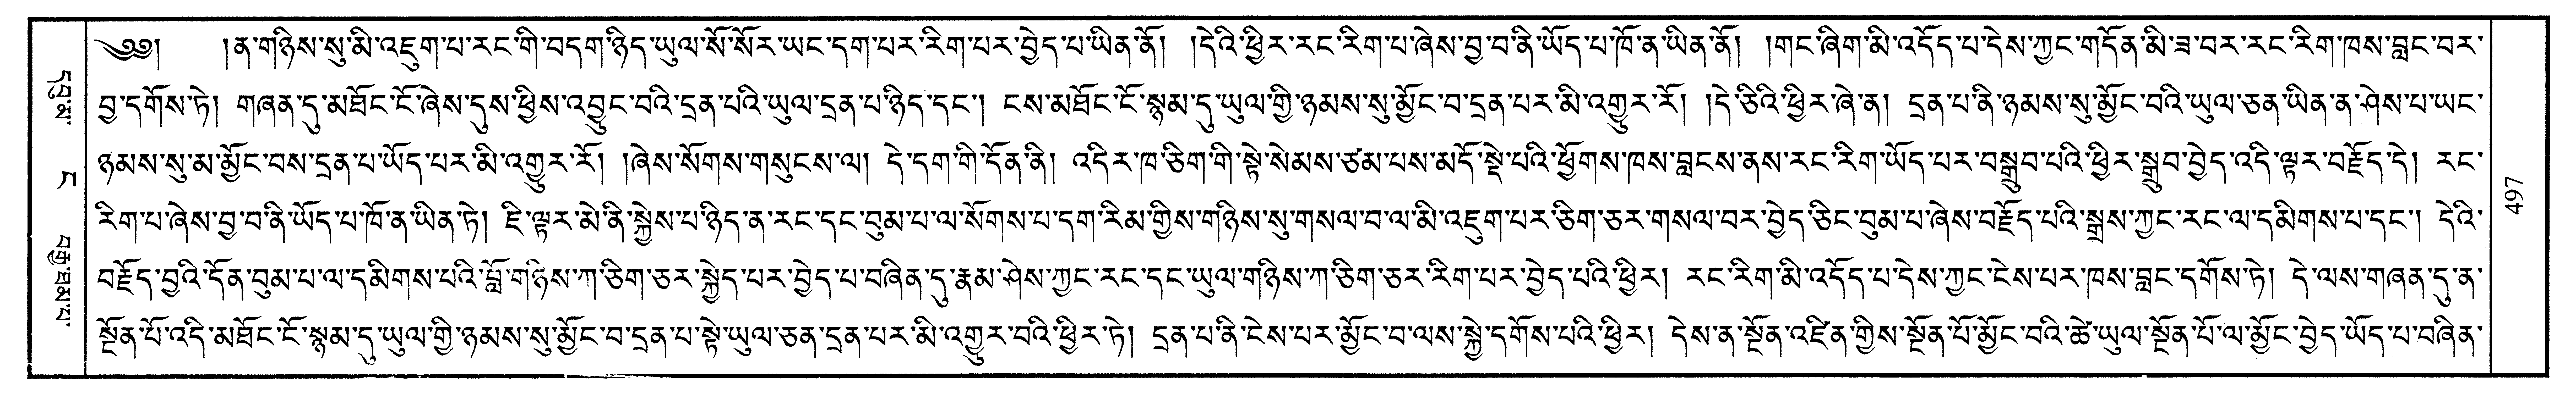༄༅། །ན་གཉིས་སུ་མི་འཇུག་པ་རང་གི་བདག་ཉིད་ཡུལ་སོ་སོར་ཡང་དག་པར་རིག་པར་བྱེད་པ་ཡིན་ནོ། །དེའི་ཕྱིར་རང་རིག་པ་ཞེས་བྱ་བ་ནི་ཡོད་པ་ཁོ་ན་ཡིན་ནོ། །གང་ཞིག་མི་འདོད་པ་དེས་ཀྱང་གདོན་མི་ཟ་བར་རང་རིག་ཁས་བླང་བར་
བྱ་དགོས་ཏེ། གཞན་དུ་མཐོང་ངོ་ཞེས་དུས་ཕྱིས་འབྱུང་བའི་དྲན་པའི་ཡུལ་དྲན་པ་ཉིད་དང་། ངས་མཐོང་ངོ་སྙམ་དུ་ཡུལ་གྱི་ཉམས་སུ་མྱོང་བ་དྲན་པར་མི་འགྱུར་རོ། །དེ་ཅིའི་ཕྱིར་ཞེ་ན། དྲན་པ་ནི་ཉམས་སུ་མྱོང་བའི་ཡུལ་ཅན་ཡིན་ན་ཤེས་པ་ཡང་
ཉམས་སུ་མ་མྱོང་བས་དྲན་པ་ཡོད་པར་མི་འགྱུར་རོ། །ཞེས་སོགས་གསུངས་ལ། དེ་དག་གི་དོན་ནི། འདིར་ཁ་ཅིག་གི་སྟེ་སེམས་ཙམ་པས་མདོ་སྡེ་པའི་ཕྱོགས་ཁས་བླངས་ནས་རང་རིག་ཡོད་པར་བསྒྲུབ་པའི་ཕྱིར་སྒྲུབ་བྱེད་འདི་ལྟར་བརྗོད་དེ། རང་
རིག་པ་ཞེས་བྱ་བ་ནི་ཡོད་པ་ཁོ་ན་ཡིན་ཏེ། ཇི་ལྟར་མེ་ནི་སྐྱེས་པ་ཉིད་ན་རང་དང་བུམ་པ་ལ་སོགས་པ་དག་རིམ་གྱིས་གཉིས་སུ་གསལ་བ་ལ་མི་འཇུག་པར་ཅིག་ཅར་གསལ་བར་བྱེད་ཅིང་བུམ་པ་ཞེས་བརྗོད་པའི་སྒྲས་ཀྱང་རང་ལ་དམིགས་པ་དང་། དེའི་
བརྗོད་བྱའི་དོན་བུམ་པ་ལ་དམིགས་པའི་བློ་གཉིས་ཀ་ཅིག་ཅར་སྐྱེད་པར་བྱེད་པ་བཞིན་དུ་རྣམ་ཤེས་ཀྱང་རང་དང་ཡུལ་གཉིས་ཀ་ཅིག་ཅར་རིག་པར་བྱེད་པའི་ཕྱིར། རང་རིག་མི་འདོད་པ་དེས་ཀྱང་ངེས་པར་ཁས་བླང་དགོས་ཏེ། དེ་ལས་གཞན་དུ་ན་
སྔོན་པོ་འདི་མཐོང་ངོ་སྙམ་དུ་ཡུལ་གྱི་ཉམས་སུ་མྱོང་བ་དྲན་པ་སྟེ་ཡུལ་ཅན་དྲན་པར་མི་འགྱུར་བའི་ཕྱིར་ཏེ། དྲན་པ་ནི་ངེས་པར་མྱོང་བ་ལས་སྐྱེ་དགོས་པའི་ཕྱིར། དེས་ན་སྔོན་འཛིན་གྱིས་སྔོན་པོ་མྱོང་བའི་ཚེ་ཡུལ་སྔོན་པོ་ལ་མྱོང་བྱེད་ཡོད་པ་བཞིན་